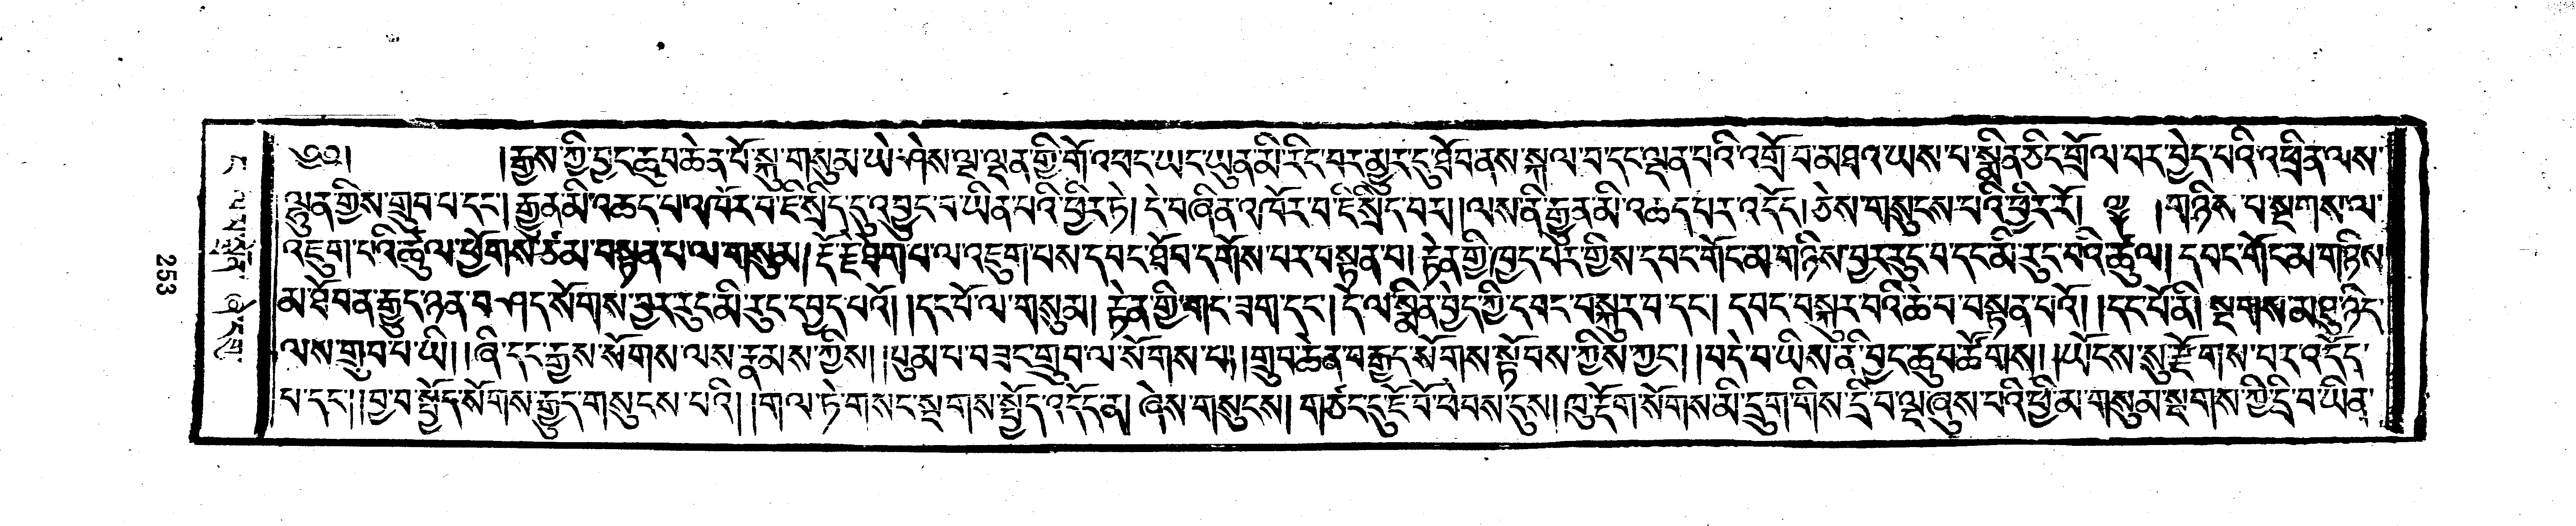༄༅། །རྒྱས་ཀྱི་བྱང་ཆུབ་ཆེན་པོ་སྐུ་གསུམ་ཡེ་ཤེས་ལྔ་ལྡན་གྱི་གོ་འཕང་ཡང་ཡུན་མི་རིང་བར་མྱུར་དུ་ཐོབ་ནས་སྐལ་བ་དང་ལྡན་པའི་འགྲོ་བ་མཐའ་ཡས་པ་སྨིན་ཅིང་གྲོལ་བར་བྱེད་པའི་འཕྲིན་ལས་
ལྷུན་གྱིས་གྲུབ་པ་དང་། རྒྱུན་མི་འཆད་པ་འཁོར་བ་ཇི་སྲིད་དུ་འབྱུང་བ་ཡིན་པའི་ཕྱིར་ཏེ། དེ་བཞིན་འཁོར་བ་ཇི་སྲིད་བར། །ལས་ནི་རྒྱུན་མི་འཆད་པར་འདོད། ཅེས་གསུངས་པའི་ཕྱིར་རོ། ༈ །གཉིས་པ་སྔགས་ལ་
འཇུག་པའི་ཚུལ་ཕྱོགས་ཙམ་བསྟན་པ་ལ་གསུམ། རྡོ་རྗེ་ཐེག་པ་ལ་འཇུག་པས་དབང་ཐོབ་དགོས་པར་བསྟན་པ། རྟེན་གྱི་ཁྱད་པར་གྱིས་དབང་གོང་མ་གཉིས་བྱར་རུང་བ་དང་མི་རུང་བའི་ཚུལ། དབང་གོང་མ་གཉིས་
མ་ཐོབ་ན་རྒྱུད་ཉན་བཤད་སོགས་བྱར་རུང་མི་རུང་དཔྱད་པའོ། །དང་པོ་ལ་གསུམ། རྟེན་གྱི་གང་ཟག་དང་། དེ་ལ་སྨིན་བྱེད་ཀྱི་དབང་བསྐུར་བ་དང་། དབང་བསྐུར་བའི་ཆེ་བ་བསྟན་པའོ། །དང་པོ་ནི། སྔགས་མཐུ་ཉིད་
ལས་གྲུབ་པ་ཡི། །ཞི་དང་རྒྱས་སོགས་ལས་རྣམས་ཀྱིས། །བུམ་པ་བཟང་གྲུབ་ལ་སོགས་པ། །གྲུབ་ཆེན་བརྒྱད་སོགས་སྟོབས་ཀྱིས་ཀྱང་། །བདེ་བ་ཡིས་ནི་བྱང་ཆུབ་ཚོགས། །ཡོངས་སུ་རྫོགས་པར་འདོད་
པ་དང་། །བྱ་བ་སྤྱོད་སོགས་རྒྱུད་གསུངས་པའི། །གལ་ཏེ་གསང་སྔགས་སྤྱོད་འདོད་ན། ཞེས་གསུངས། གཙང་དུ་ཇོ་བོ་ཕེབས་དུས། ཁུ་རྡོག་སོགས་མི་དྲུག་གིས་དྲི་བ་ལྔ་ཞུས་པའི་ཕྱི་མ་གསུམ་སྔགས་ཀྱི་དྲི་བ་ཡིན་